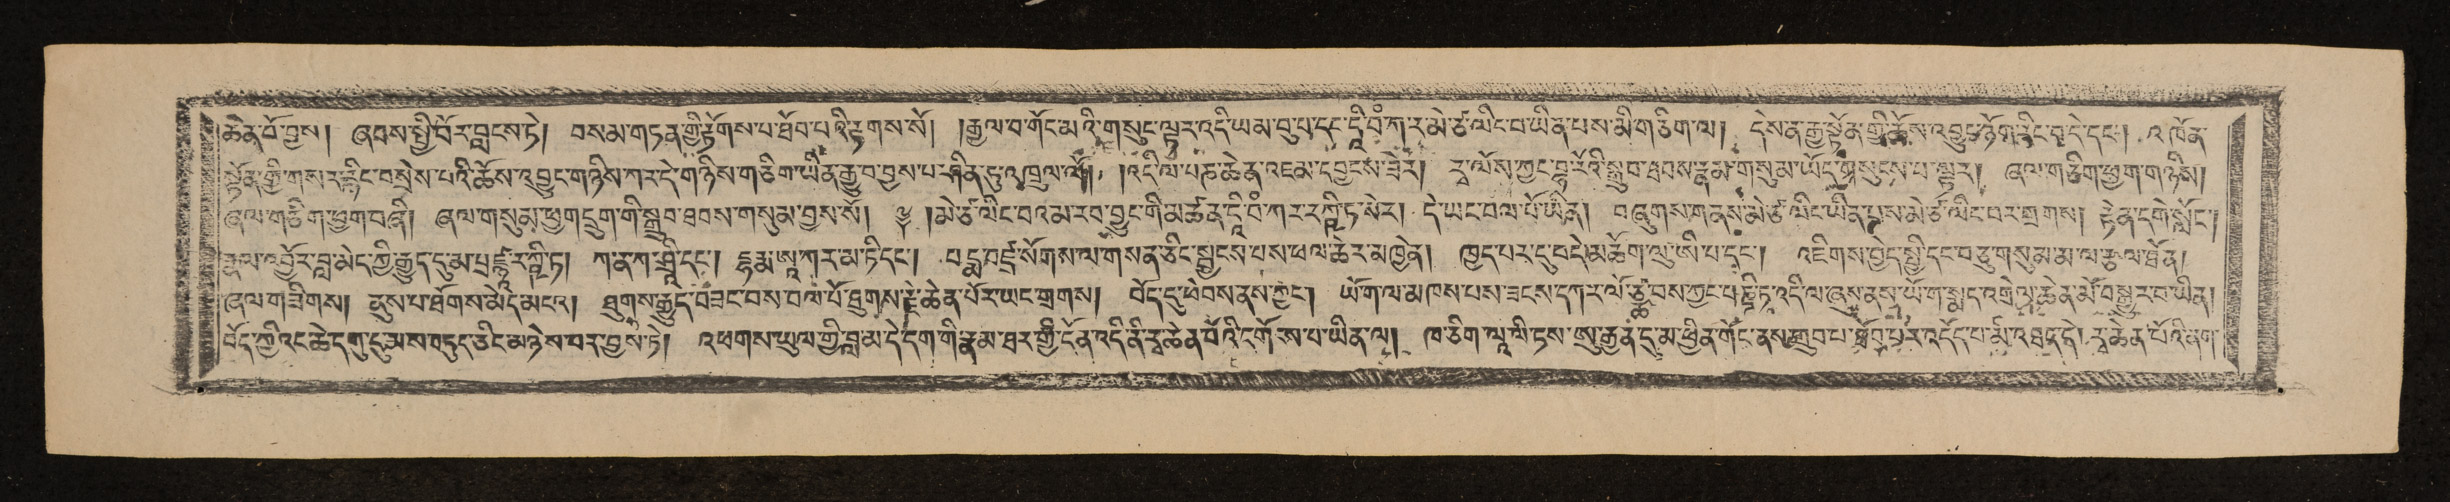ཆེན་པོ་བྱས། ཞབས་སྤྱི་བོར་བླངས་ཏེ། བསམ་གཏན་གྱི་རྟོགས་པ་ཐོབ་པའི་རྟགས་སོ། །རྒྱལ་བ་གོང་མའི་གསུང་ལྟར་འདི་ཡམ་བུ་པ་དང་དཱི་པཾ་ཀ་ར་མེ་ཙ་ལིང་བ་ཡིན་པས་མི་གཅིག་ལ། དེས་ན་རྒྱ་སྟོན་གྱི་ཆོས་འབྱུང་ཉོག་རིང་པ་དེ་དང་། འཁོན་
སྟོན་གྱི་གསར་རྙིང་བསྲེས་པའི་ཆོས་འབྱུང་གཉིས་ཀར་དེ་གཉིས་གཅིག་ཡིན་རྒྱུ་བ་བྱས་པ་ཤིན་ཏུ་འཁྲུལ་ལོ། །འདི་ལ་པཎ་ཆེན་འཇམ་དབྱངས་ཟེར། རྭ་ལོས་ཀྱང་བྷ་རོའི་སྒྲུབ་ཐབས་རྣམ་གསུམ་ཡོད་གསུངས་པ་ལྟར། ཞལ་གཅིག་ཕྱག་གཉིས།
ཞལ་གཅིག་ཕྱག་བཞི། ཞལ་གསུམ་ཕྱག་དྲུག་གི་སྒྲུབ་ཐབས་གསུམ་བྱས་སོ། ༈ །མེ་ཙ་ལིང་བའམ་རབ་བྱུང་གི་མཚན་དཱི་བཾ་ཀ་ར་རཀྵི་ཏ་ཟེར། དེ་ཡང་བལ་པོ་ཡིན། བཞུགས་གནས་མེ་ཙ་ལིང་ཡིན་པས་མེ་ཙ་ལིང་པར་གྲགས། རྟེན་དགེ་སློང་
རྣལ་འབྱོར་བླ་མེད་ཀྱི་རྒྱུད་དུ་མ་པྲཛྙཱ་རཀྵི་ཏ། ཀ་ན་ཀ་ཤྲཱི་དང་། དྷརྨ་ཨཱ་ཀ་ར་མ་ཏི་དང་། པདམ་བཛྲ་སོགས་ལ་གསན་ཅིང་སྦྱངས་པས་ཕལ་ཆེར་མཁྱེན། ཁྱད་པར་དུ་བདེ་མཆོག་ལུ་ཨི་པ་དང་། འཇིགས་བྱེད་སྤྱི་དང་བཅུ་གསུམ་མ་ལ་རྩལ་ཐོན།
ཞལ་གཟིགས། ནུས་པ་ཐོགས་མེད་མངའ། ཐུགས་རྒྱུད་བཟང་བས་བལ་པོ་ཐུགས་རྗེ་ཆེན་པོར་ཡང་གྲགས། བོད་དུ་ཕེབས་ནས་ཀྱང་། ཡོ་ག་ལ་མཁས་པས་ཟངས་དཀར་ལོ་ཙྪ་བས་ཀྱང་པཎྜི་ཏ་འདི་ལ་ཞུས་ནས་ཡོ་ག་སྨད་འགྲེལ་ཆེན་མོ་བསྒྱུར་བ་ཡིན།
བོད་ཀྱིའང་ཆེ་དགུ་དུ་མས་བཏུད་ཅིང་མཉེས་པར་བྱས་ཏེ། འཕགས་ཡུལ་གྱི་བླ་མ་དེ་དག་གི་རྣམ་ཐར་གྱི་དོན་འདི་ནི་རྭ་ཆེན་པོའི་དགོངས་པ་ཡིན་ལ། ཁ་ཅིག་ལཱ་ལི་ཏས་ཨུ་རྒྱན་དུ་མ་ཕྱིན་གོང་ནས་གྲུབ་པ་ཐོབ་པར་འདོད་པ་མི་འཐད་དེ༑ རྭ་ཆེན་པོའི་ནག་